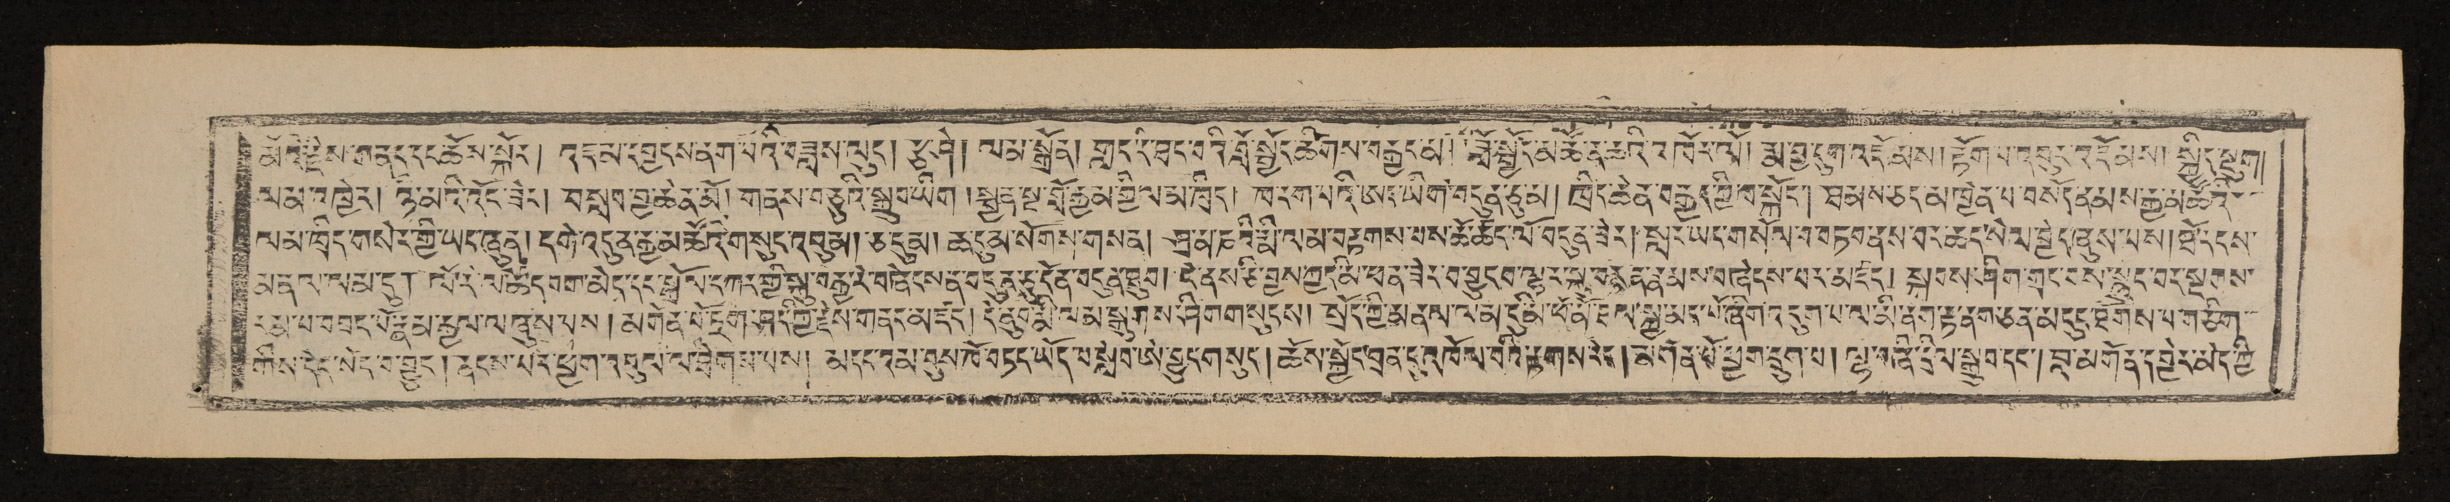མོའི་རྗེས་གནང་དང་ཆོས་སྐོར། འཇམ་དབྱངས་ནག་པོའི་བཟླས་ལུང་། རྩ་ཤེ། ལམ་སྒྲོན། གླང་རི་ཐང་བའི་བློ་སྤྱོང་ཚིགས་བརྒྱད་མ། བློ་སྦྱོང་མཚོན་ཆའི་འཁོར་ལོ། རྨ་བྱ་དུག་འཇོམས། རྟོག་པ་འབུར་འཇོམས། སྐྱིད་སྡུག་
ལམ་འཁྱེར། ཉི་མའི་འོད་ཟེར། བསླབ་བྱ་ཆེན་མོ། གནས་བཅུའི་སྒྲུབ་ཡིག །སྦྱན་སྔ་བློ་རྒྱམ་གྱི་ལམ་ཁྲིད། ཁ་རག་པའི་ཨང་ཡིག་བདུན་ཅུ་མ། ཁྲིད་ཆེན་བརྒྱད་ཀྱི་ཁ་སྐོང་། ཐམས་ཅད་མཁྱེན་པ་བསོད་ནམས་རྒྱ་མཚོའི་
ལམ་ཁྲིད་གསེར་གྱི་ཡང་ཞུན། དགེ་འདུན་རྒྱ་མཚོའི་གསུང་འབུམ། ཅ་དུམ། ཆ་དུམ་སོགས་གསན། ཤྲ་མ་ཎའི་རྨི་ལམ་བརྟགས་པས་ཚེ་ཚད་ལོ་བདུན་ཟེར། སླར་ཡང་གསོལ་བ་བཏབ་ནས་བར་ཆད་སེལ་བྱེད་ཞུས་པས། ཐོ་རངས་
མནལ་ལམ་དུ། ལོ་རེ་ལ་ཚེ་དཔག་མེད་དང་སྒྲོལ་དཀར་གྱི་སྐུ་བརྒྱ་རེ་བཞེངས་ན་བདུན་ཅུ་དོན་བདུན་ཐུབ། དེ་ནས་ཅི་བྱས་ཀྱང་མི་ཕན་ཟེར་བ་བྱུང་བ་ལྟར་སྐུ་བརྙན་རྣམས་བཞེངས་པར་མཛད། སྐབས་ཤིག་གྲང་བས་སྙུང་བར་སྔགས་
རམ་པ་བཟང་པོ་རྣམ་རྒྱལ་ལ་ཞུས་པས། མགོན་པོ་ཏྲག་ཤད་ཀྱི་རྗེས་གནང་མཛད། དེ་ནུབ་རྨི་ལམ་སྒུགས་ཤིག་གསུངས། སྲོད་ཀྱི་མནལ་ལམ་དུ་མི་ཕོ་མོ་ཐལ་སྐྱ་མང་པོ་ཞིག་འདུག་པ་ལ་མི་ནག་རྟ་ནག་ཅན་མདུང་ཐོགས་པ་གཅིག་
གིས་དེད་སོང་བ་བྱུང་། ནངས་པར་ཕྱག་འབུལ་ལ་ཐེགས་པས། མདའ་འམ་བུས་ཁོ་བཏང་ཡོད་པ་སླེབ་ཨེ་བྱུང་གསུང་། ཆོས་སྐྱོང་བྲན་དུ་འཁོལ་བའི་རྟགས་རེད། མགོན་པོ་ཕྱག་དྲུག་པ། ལྷ་བཞི་དྲིལ་སྒྲུབ་དང་། བླ་མགོན་དབྱེར་མེད་ཀྱི་